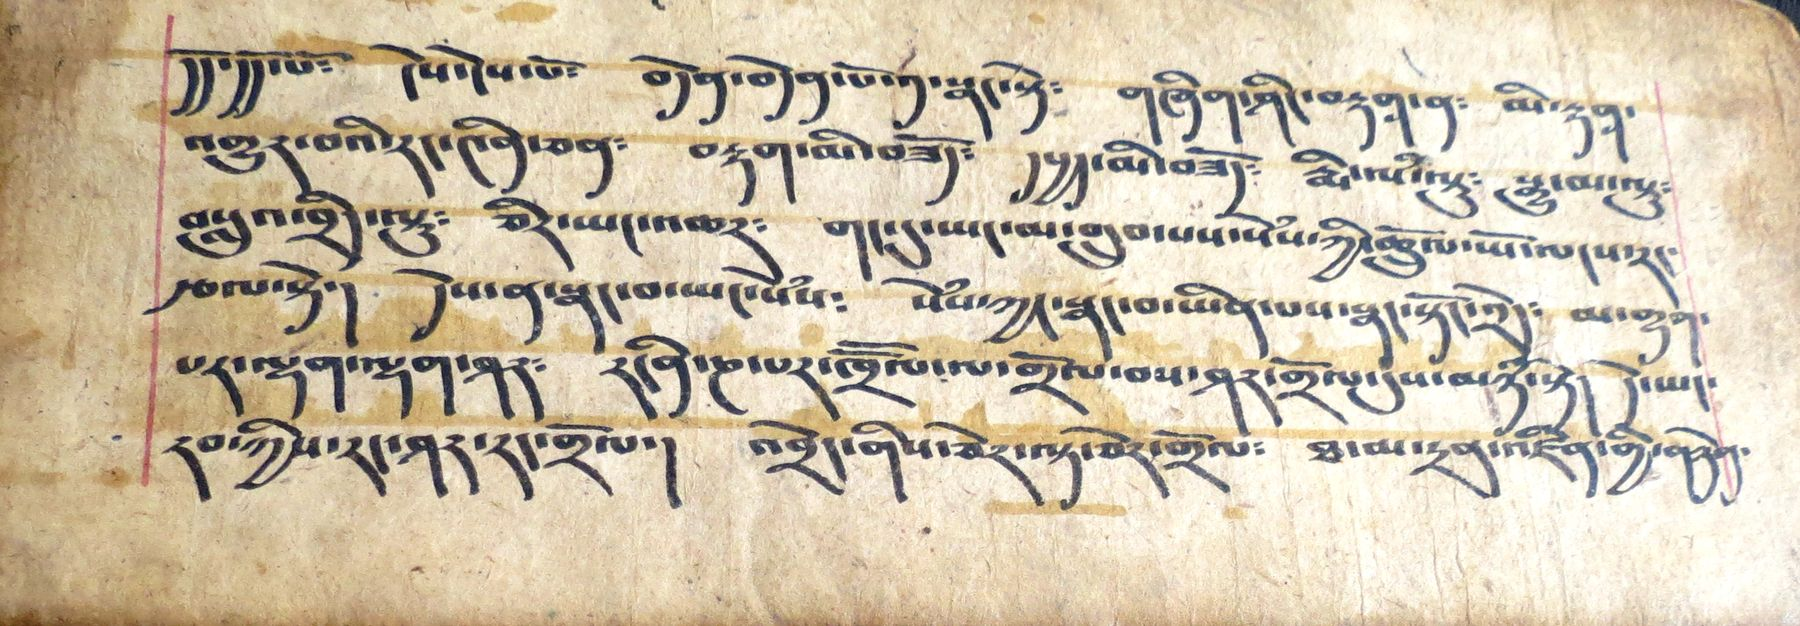དོད་དོད་པོ། ངེས་ངེས་པོ། བདེན་པོ་ཅིག་སྣང་སྟེ། གཞིག་ཅིང་བརྟགས་ན་མི་རྟག་
འགྱུར་བའི་རང་བཞིན་ཅན། བརྟགས་མི་བཟོད། དཔྱད་མི་བཟོད་པ། རྨི་ལམ་ལྟ་བུ། སྒྱུ་མ་ལྟ་བུ། 
བསླུ་བྲིད་ལྟ་བུ། ཅིར་ཡང་འཆར། གང་དུ་ཡང་མ་གྲུབ་པས། སེམས་ཀྱི་ཆོ་འཕྲུལ་ཡོ་ལང་ཡང་རང་
རྩལ་ཏེ། དེས་ན་སྣང་བ་ཡང་སེམས། སེམས་ཀྱང་སྣང་བ་ཡིན་པས། སྣང་སེམས་གཉིས་མེད་སྣང་བདོ་ཙམ་ནས་སྟོང་། སྟོང་ཙམ་ཉིད་ན་སྣང་བས་སྣང་སྟོང་གཉིས་མེད་མ་འགག་
པར་ལྷག་ལྷག་ཤར། རང་བཞིན་མེད་པར་ཁྲོལ་ཁྲོལ་གྲོལ་བས་ཤར་གྲོལ་དུས་མཉམ་སྟེ། དེ་ཡང་
རབ་ཀྱིས་རང་ཤར་རང་གྲོལ། འབྲིང་གིས་ཅེར་ལྟ་ཅེར་འགྲོལ། ཐ་མ་དྲན་འཛིན་གྱི་གཉེན་